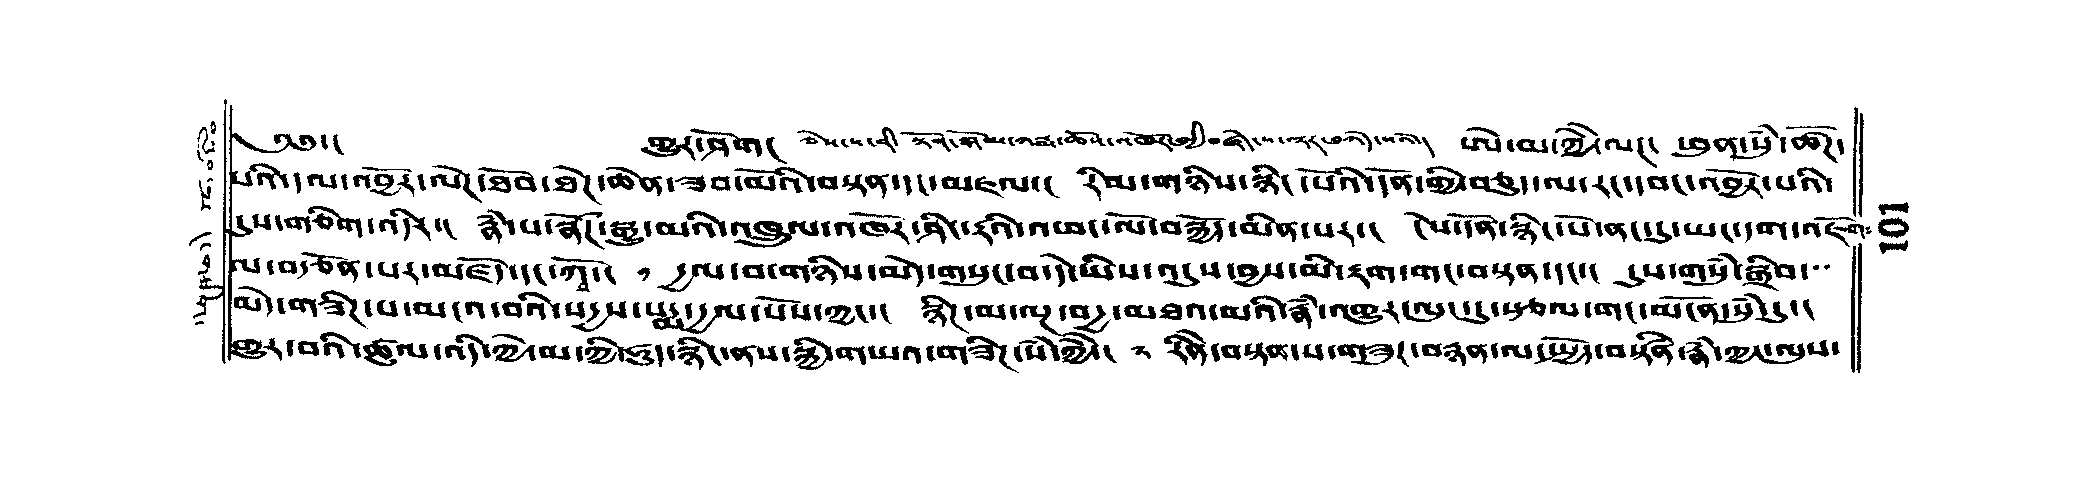གྱུར་ཤོག །ཅེས་པ་ནི་སྟོན་སྒོམ་ཀརྨ་ཆོས་འཁོར་གྱི་བཞེད་པ་ལྟར་བཀོད་པའོ།། ཨེ་མ་ཀྱཻ་ལགས། ཕུན་སུམ་ཚོགས་
པའི་དལ་འབྱོར་ལེགས་ཐོབ་ཐེག་ཆེན་ཟབ་མོའི་ཆོས་དང་མཇལ། །རིམ་གཉིས་སྙིང་པོའི་དོན་གྱི་བཅུད་ལ་རང་དབང་འབྱོར་བའི་
དུས་གཅིག་འདིར། །རྣམ་པ་སྣ་ཚོགས་སྒྱུ་མའི་འཁྲུལ་འཁོར་ཤིང་རྟའི་འཕང་ལོ་བསྐྱོད་མིན་པར། །ངེས་དོན་སྙིང་པོ་ནང་དུ་ཡང་དག་འཇོག་
ལ་བཙོན་པར་མཛོད་དང་ཀོ། །རྒྱལ་བ་གཉིས་མེད་གསུང་བ་དེ་ཡིས་འདུས་བྱས་གང་བསྟན་དང་། །དུས་གསུམ་སྒྲིབ་
མེད་གཟིགས་པ་མངའ་བའི་སངས་རྒྱས་པདྨ་རྒྱལ་པོས་ཀྱང་། །སྙིགས་མ་ལྔ་བརྒྱ་མཐའ་མའི་རྣམ་འགྱུར་ལུང་དུ་སྩལ་གང་མངོན་སུམ་དུ། 
གྱུར་བའི་ཚུལ་འདི་ཀྱེ་མ་ཀྱི་ཧུད་སྙིང་ནས་སྐྱི་གཡའ་གཟིགས་སམ་ཀྱཻ། །རིན་ཆེན་བསྟན་པ་གཟུགས་བརྙན་ལ་སྤྱོད་བསྟན་འཛིན་རྣམས་ཀྱང་ལུས་